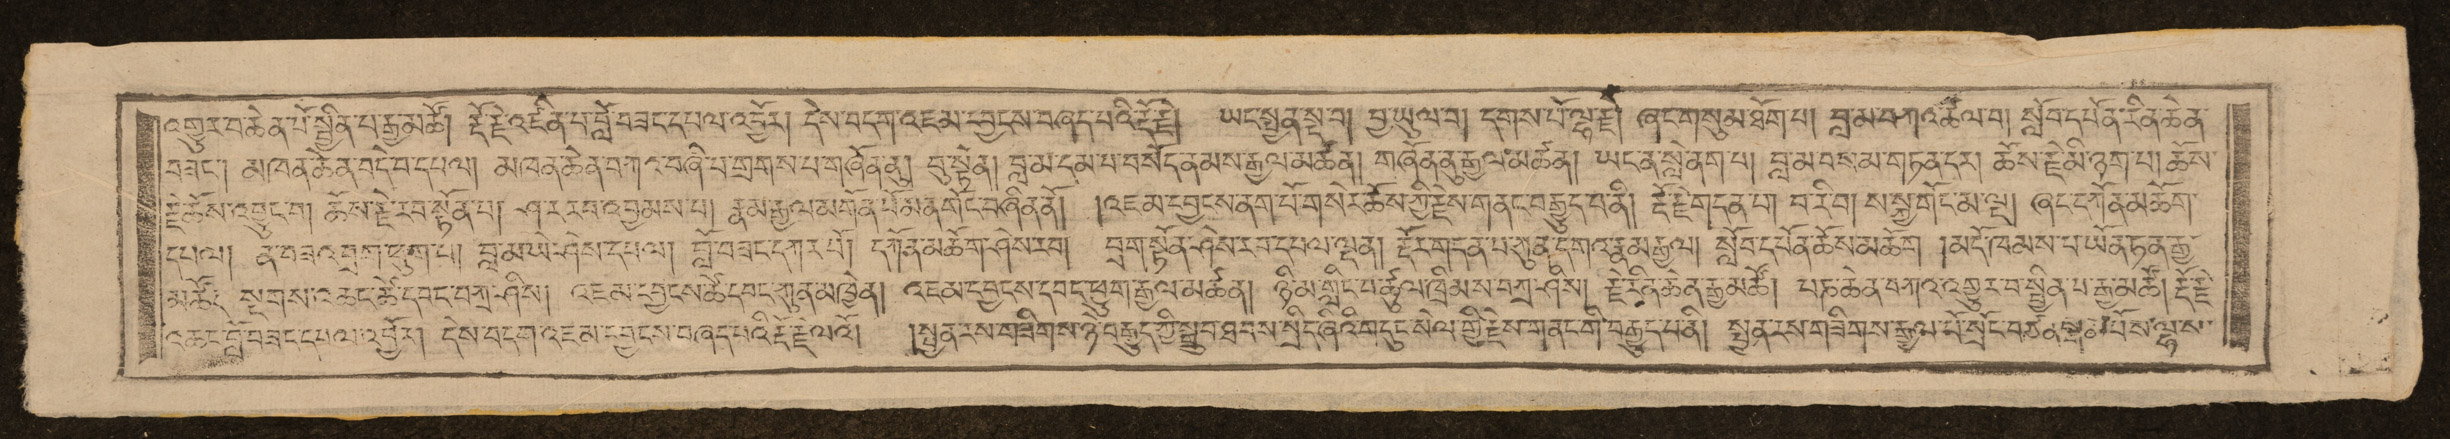འགྱུར་བ་ཆེན་པོ་སྦྱིན་པ་རྒྱ་མཚོ། རྡོ་རྗེ་འཛིན་པ་བློ་བཟང་དཔལ་འབྱོར། དེས་བདག་འཇམ་དབྱངས་བཞད་པའི་རྡོ་རྗེ། ཡང་སྤྱན་སྔ་བ། བྱ་ཡུལ་བ། དགས་པོ་ལྷ་རྗེ། ཞང་གསུམ་ཐོག་པ། བླ་མ་བཀའ་ཚལ་བ། སློབ་དབོན་རིན་ཆེན་
བཟང་། མཁན་ཆེན་བདེ་པ་དཔལ། མཁན་ཆེན་བཀའ་བཞི་པ་གྲགས་པ་གཞོན་ནུ། བུ་སྟེན། བླ་མ་དམ་པ་བསོད་ནམས་རྒྱལ་མཚན། གཞོན་ནུ་རྒྱལ་མཚན། ཡང་ན་སླེ་ནག་པ། བླ་མ་བསམ་གཏན་དར། ཆོས་རྗེ་མི་ཉག་པ། ཆོས་
རྗེ་ཆོས་འབྱུང་བ། ཆོས་རྗེ་རབ་སྟོན་པ། ཤར་རབ་འབྱམས་པ། རྣམ་རྒྱལ་མགོན་པོ་མན་གོང་བཞིན་ནོ། འཇམ་དབྱངས་ནག་པོ་གསེར་ཆོས་ཀྱི་རྗེས་གནང་བརྒྱུད་པ་ནི། རྡོ་རྗེ་གདན་པ། བ་རིབ། ས་སྐྱ་གོང་མ་ལྔ། ཞང་དཀོན་མཆོག་
དཔལ། ན་བཟའ་བྲག་ཕུག་པ། བླ་མ་ཡེ་ཤེས་དཔལ། བློ་བཟང་དཀར་པོ། དཀོན་མཆོག་ཤེས་རབ། བྲག་སྟོན་ཤེས་རབ་དཔལ་ལྡན། རྡོར་གདན་པ་ཀུན་དགའ་རྣམ་རྒྱལ། སློབ་དཔོན་ཆོས་མཆོག །མདོ་ཁམས་པ་ཡོན་ཏན་རྒྱ་
མཚོ༑ སྔགས་འཆང་ཚོ་དབང་བཀྲ་ཤིས། འཇམ་དབྱངས་ཚེ་དབང་ཀུན་མཁྱེན། འཇམ་དབྱངས་དབང་ཕྱུག་རྒྱལ་མཚན། ཉི་མ་གླིང་བ་ཚུལ་ཁྲིམས་བཀྲ་ཤིས། རྗེ་རིན་ཆེན་རྒྱ་མཚོ། པཎ་ཆེན་བཀའ་འགྱུར་བ་སྦྱིན་པ་རྒྱ་མཚོ། རྡོ་རྗེ་
འཆང་བློ་བཟང་དཔལ་འབྱོར། དེས་བདག་འཇམ་དབྱངས་བཞད་པའི་རྡོ་རྗེ་ལའོ། །སྤྱན་རས་གཟིགས་ཉེ་བརྒྱུད་ཀྱི་སྒྲུབ་ཐབས་སྲིད་ཞིའི་གདུང་སེལ་གྱི་རྗེས་གནང་གི་བརྒྱུད་པ་ནི། སྤྱན་རས་གཟིགས་རྒྱལ་པོ་སྲོང་བཙན་སྒམ་པོས་ལྷས་